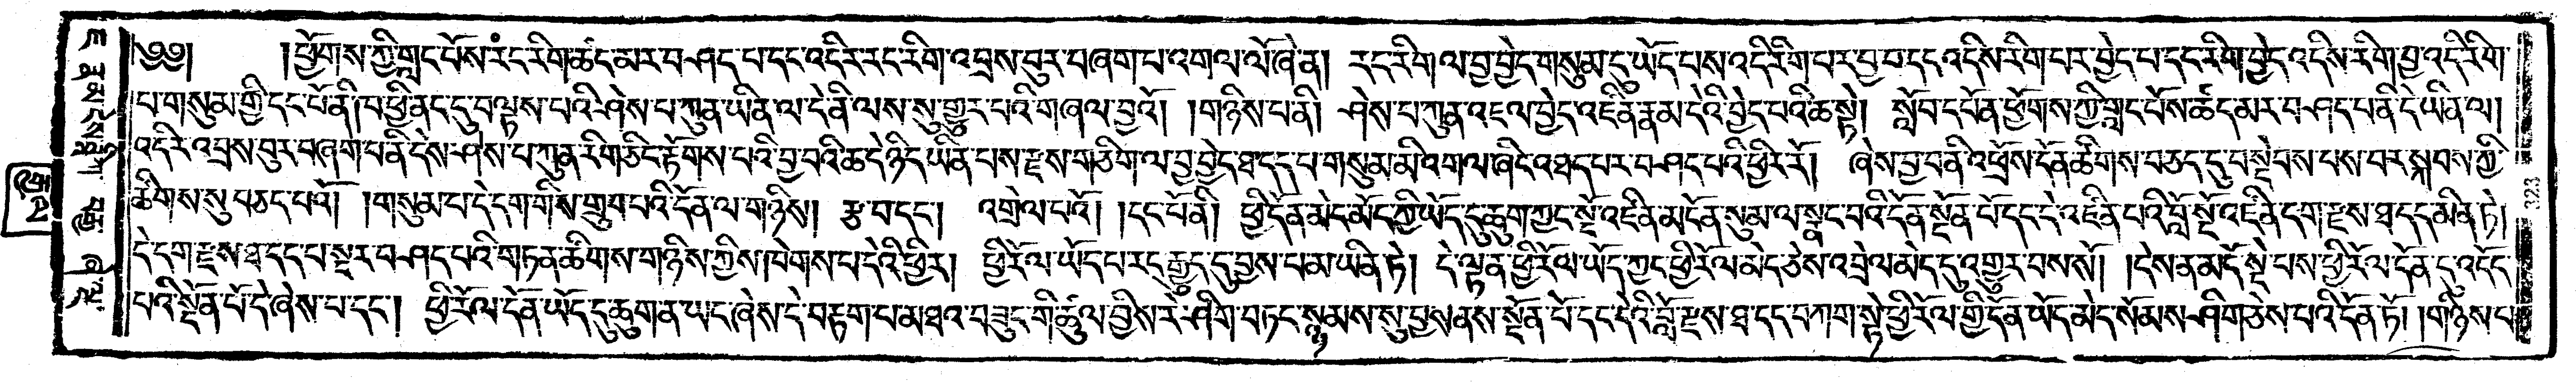༄༅། །ཕྱོགས་ཀྱི་གླང་པོས་རང་རིག་ཚད་མར་བཤད་པ་དང་འདིར་རང་རིག་འབྲས་བུར་བཞག་པ་འགལ་ལོ་ཞེ་ན། རང་རིག་ལ་བྱ་བྱེད་གསུམ་དུ་ཡོད་པས་འདི་རིག་པར་བྱ་བ་དང་འདིས་རིག་པར་བྱེད་པ་དང་རིག་བྱེད་འདིས་རིག་བྱ་འདི་རིག་
པ་གསུམ་གྱི་དང་པོ་ནི་ཁ་ཕྱི་ནང་དུ་བལྟས་པའི་ཤེས་པ་ཀུན་ཡིན་ལ་དེ་ནི་ལས་སུ་གྱུར་པའི་གཞལ་བྱའོ། །གཉིས་པ་ནི། ཤེས་པ་ཀུན་འཇལ་བྱེད་འཛིན་རྣམ་དེའི་བྱེད་པའི་ཆ་སྟེ། སློབ་དཔོན་ཕྱོགས་ཀྱི་གླང་པོས་ཚད་མར་བཤད་པ་ནི་དེ་ཡིན་ལ།
འདིར་འབྲས་བུར་བཞག་པ་ནི་དེས་ཤེས་པ་ཀུན་རིག་ཅིང་རྟོགས་པའི་བྱ་བའི་ཆ་དེ་ཉིད་ཡིན་པས་རྫས་གཅིག་ལ་བྱ་བྱེད་ཐ་དད་པ་གསུམ་མི་འགལ་ཞིང་འཐད་པར་བཤད་པའི་ཕྱིར་རོ། ཞེས་བྱ་བ་ནི་འཕྲོས་དོན་ཚིགས་བཅད་དུ་བསྡེབས་པས་བར་སྐབས་ཀྱི་
ཚིགས་སུ་བཅད་པའོ། །གསུམ་པ་དེ་དག་གིས་གྲུབ་པའི་དོན་ལ་གཉིས། རྩ་བ་དང་། འགྲེལ་པའོ། །དང་པོ་ནི། ཕྱི་དོན་མེད་མོད་ཀྱི་ཡོད་དུ་ཆུག་ཀྱང་སྔོ་འཛིན་མངོན་སུམ་ལ་སྣང་བའི་དོན་སྔོན་པོ་དང་དེ་འཛིན་པའི་བློ་སྔོ་འཛིན་དག་རྫས་ཐ་དད་མིན་ཏེ།
དེ་དག་རྫས་ཐ་དད་པ་སྔར་བཤད་པའི་གཏན་ཚིགས་གཉིས་ཀྱིས་ཁེགས་པ་དེའི་ཕྱིར། ཕྱི་རོལ་ཡོད་པ་རང་རྒྱུད་དུ་བྱས་པ་མ་ཡིན་ཏེ། དེ་ལྟ་ན་ཕྱི་རོལ་ཡོད་ཀྱང་ཕྱི་རོལ་མེད་ཅེས་འབྲེལ་མེད་དུ་འགྱུར་བས་སོ། །དེས་ན་མདོ་སྡེ་པས་ཕྱི་རོལ་དོན་དུ་འདོད་
པའི་སྔོན་པོ་དེ་ཞེས་པ་དང་། ཕྱི་རོལ་དོན་ཡོད་དུ་ཆུག་ན་ཡང་ཞེས་དེ་བརྟག་པ་མཐའ་བཟུང་གི་ཚུལ་བྱིས་རེ་ཤིག་བཏང་སྙམས་སུ་བྱས་ནས་སྔོན་པོ་དང་དེའི་བློ་རྫས་ཐ་དད་བཀག་སྟེ་ཕྱི་རོལ་གྱི་དོན་ཡོད་མེད་སོམས་ཤིག་ཅེས་པའི་དོན་ཏོ། །གཉིས་པ་